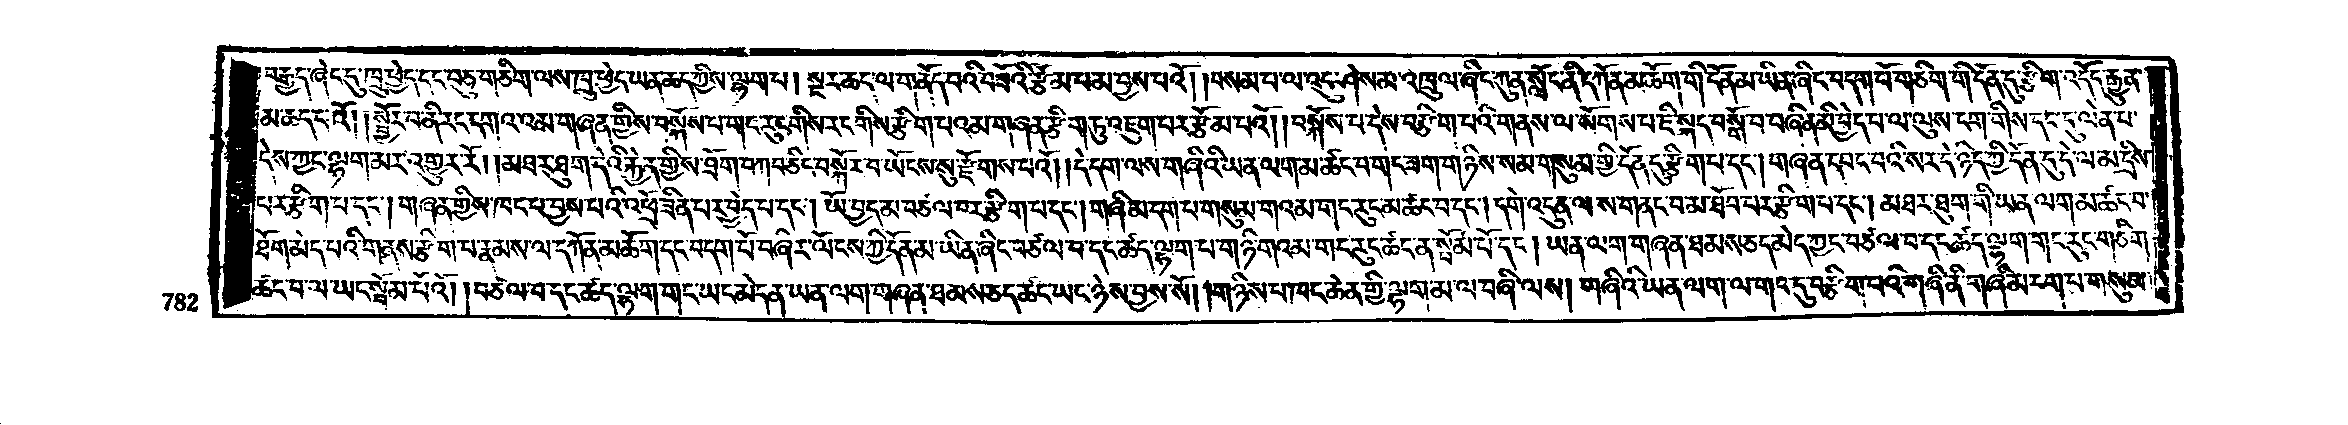བརྒྱད་ཞེང་དུ་ཁྲུ་ཕྱེད་དང་བཅུ་གཅིག་ལས་ཁྲུ་ཕྱེད་ཡན་ཆད་ཀྱིས་ལྷག་པ། སྔར་ཆད་ལ་གནོད་པའི་བཟོའི་རྩོམ་པ་མ་བྱས་པའོ། །བསམ་པ་ལ་འདུ་ཤེས་མ་འཁྲུལ་ཞིང་ཀུན་སློང་ནི་དཀོན་མཆོག་གི་དོན་མ་ཡིན་ཞིང་བདག་པོ་གཅིག་གི་དོན་དུ་རྩིག་འདོད་རྒྱུན་
མ་ཆད་པའོ། །སྦྱོར་བ་ནི་རང་དགའ་འམ་གཞན་གྱིས་བསྐོས་པ་གང་རུང་གིས་རང་གིས་རྩིག་པའམ་གཞན་རྩིག་ཏུ་འཇུག་པར་རྩོམ་པའོ། །བསྐོས་པ་དེས་བརྩིག་པའི་གནས་ལ་སོགས་པ་ཇི་སྐད་བསྒོ་བ་བཞིན་མི་བྱེད་པ་ལ་ལུས་ངག་གིས་དང་དུ་ལེན་པ་
དེས་ཀྱང་ལྷག་མར་འགྱུར་རོ། །མཐར་ཐུག་དེའི་རྐྱེན་གྱིས་ཐོག་བཀབ་ཅིང་བསྐོར་བ་ཡོངས་སུ་རྫོགས་པའོ། །དེ་དག་ལས་གཞིའི་ཡན་ལག་མ་ཚང་བ་གང་ཟག་གཉིས་སམ་གསུམ་གྱི་དོན་དུ་རྩིག་པ་དང་། གཞན་དབང་བའི་སར་དེ་ཉིད་ཀྱི་དོན་དུ་དེ་ལ་མ་དྲིས་
པར་རྩིག་པ་དང་། གཞན་གྱིས་ཁང་པ་བྱས་པའི་འཕྲོ་ཟིན་པར་བྱེད་པ་དང་། ཡོ་བྱད་མ་བཙལ་བར་རྩིག་པ་དང་། གཞི་མ་དག་པ་གསུམ་གའམ་གང་རུང་མ་ཚང་བ་དང་། དགེ་འདུན་ལས་གནང་བ་མ་ཐོབ་པར་རྩིག་པ་དང་། མཐར་ཐུག་གི་ཡན་ལག་མ་ཚང་བ་
ཐོག་མེད་པའི་གནས་རྩིག་པ་རྣམས་ལ་དཀོན་མཆོག་དང་བདག་པོ་བཞིར་ལོངས་ཀྱི་དོན་མ་ཡིན་ཞིང་བཙལ་བ་དང་ཚད་ལྷག་པ་གཉི་གའམ་གང་རུང་ཚང་ན་སྦོམ་པོ་དང་། ཡན་ལག་གཞན་ཐམས་ཅད་མེད་ཀྱང་བཙལ་བ་དང་ཚད་ལྷག་གང་རུང་གཅིག་
ཚང་བ་ལ་ཡང་སྦོམ་པོའོ། །བཙལ་བ་དང་ཚད་ལྷག་གང་ཡང་མེད་ན་ཡན་ལག་གཞན་ཐམས་ཅད་ཚང་ཡང་ཉེས་བྱས་སོ། །གཉིས་པ་ཁང་ཆེན་གྱི་ལྷག་མ་ལ་བཞི་ལས། གཞིའི་ཡན་ལག་ལ་གང་དུ་བརྩིག་པའི་གཞི་ནི་གཞི་མ་དག་པ་གསུམ་